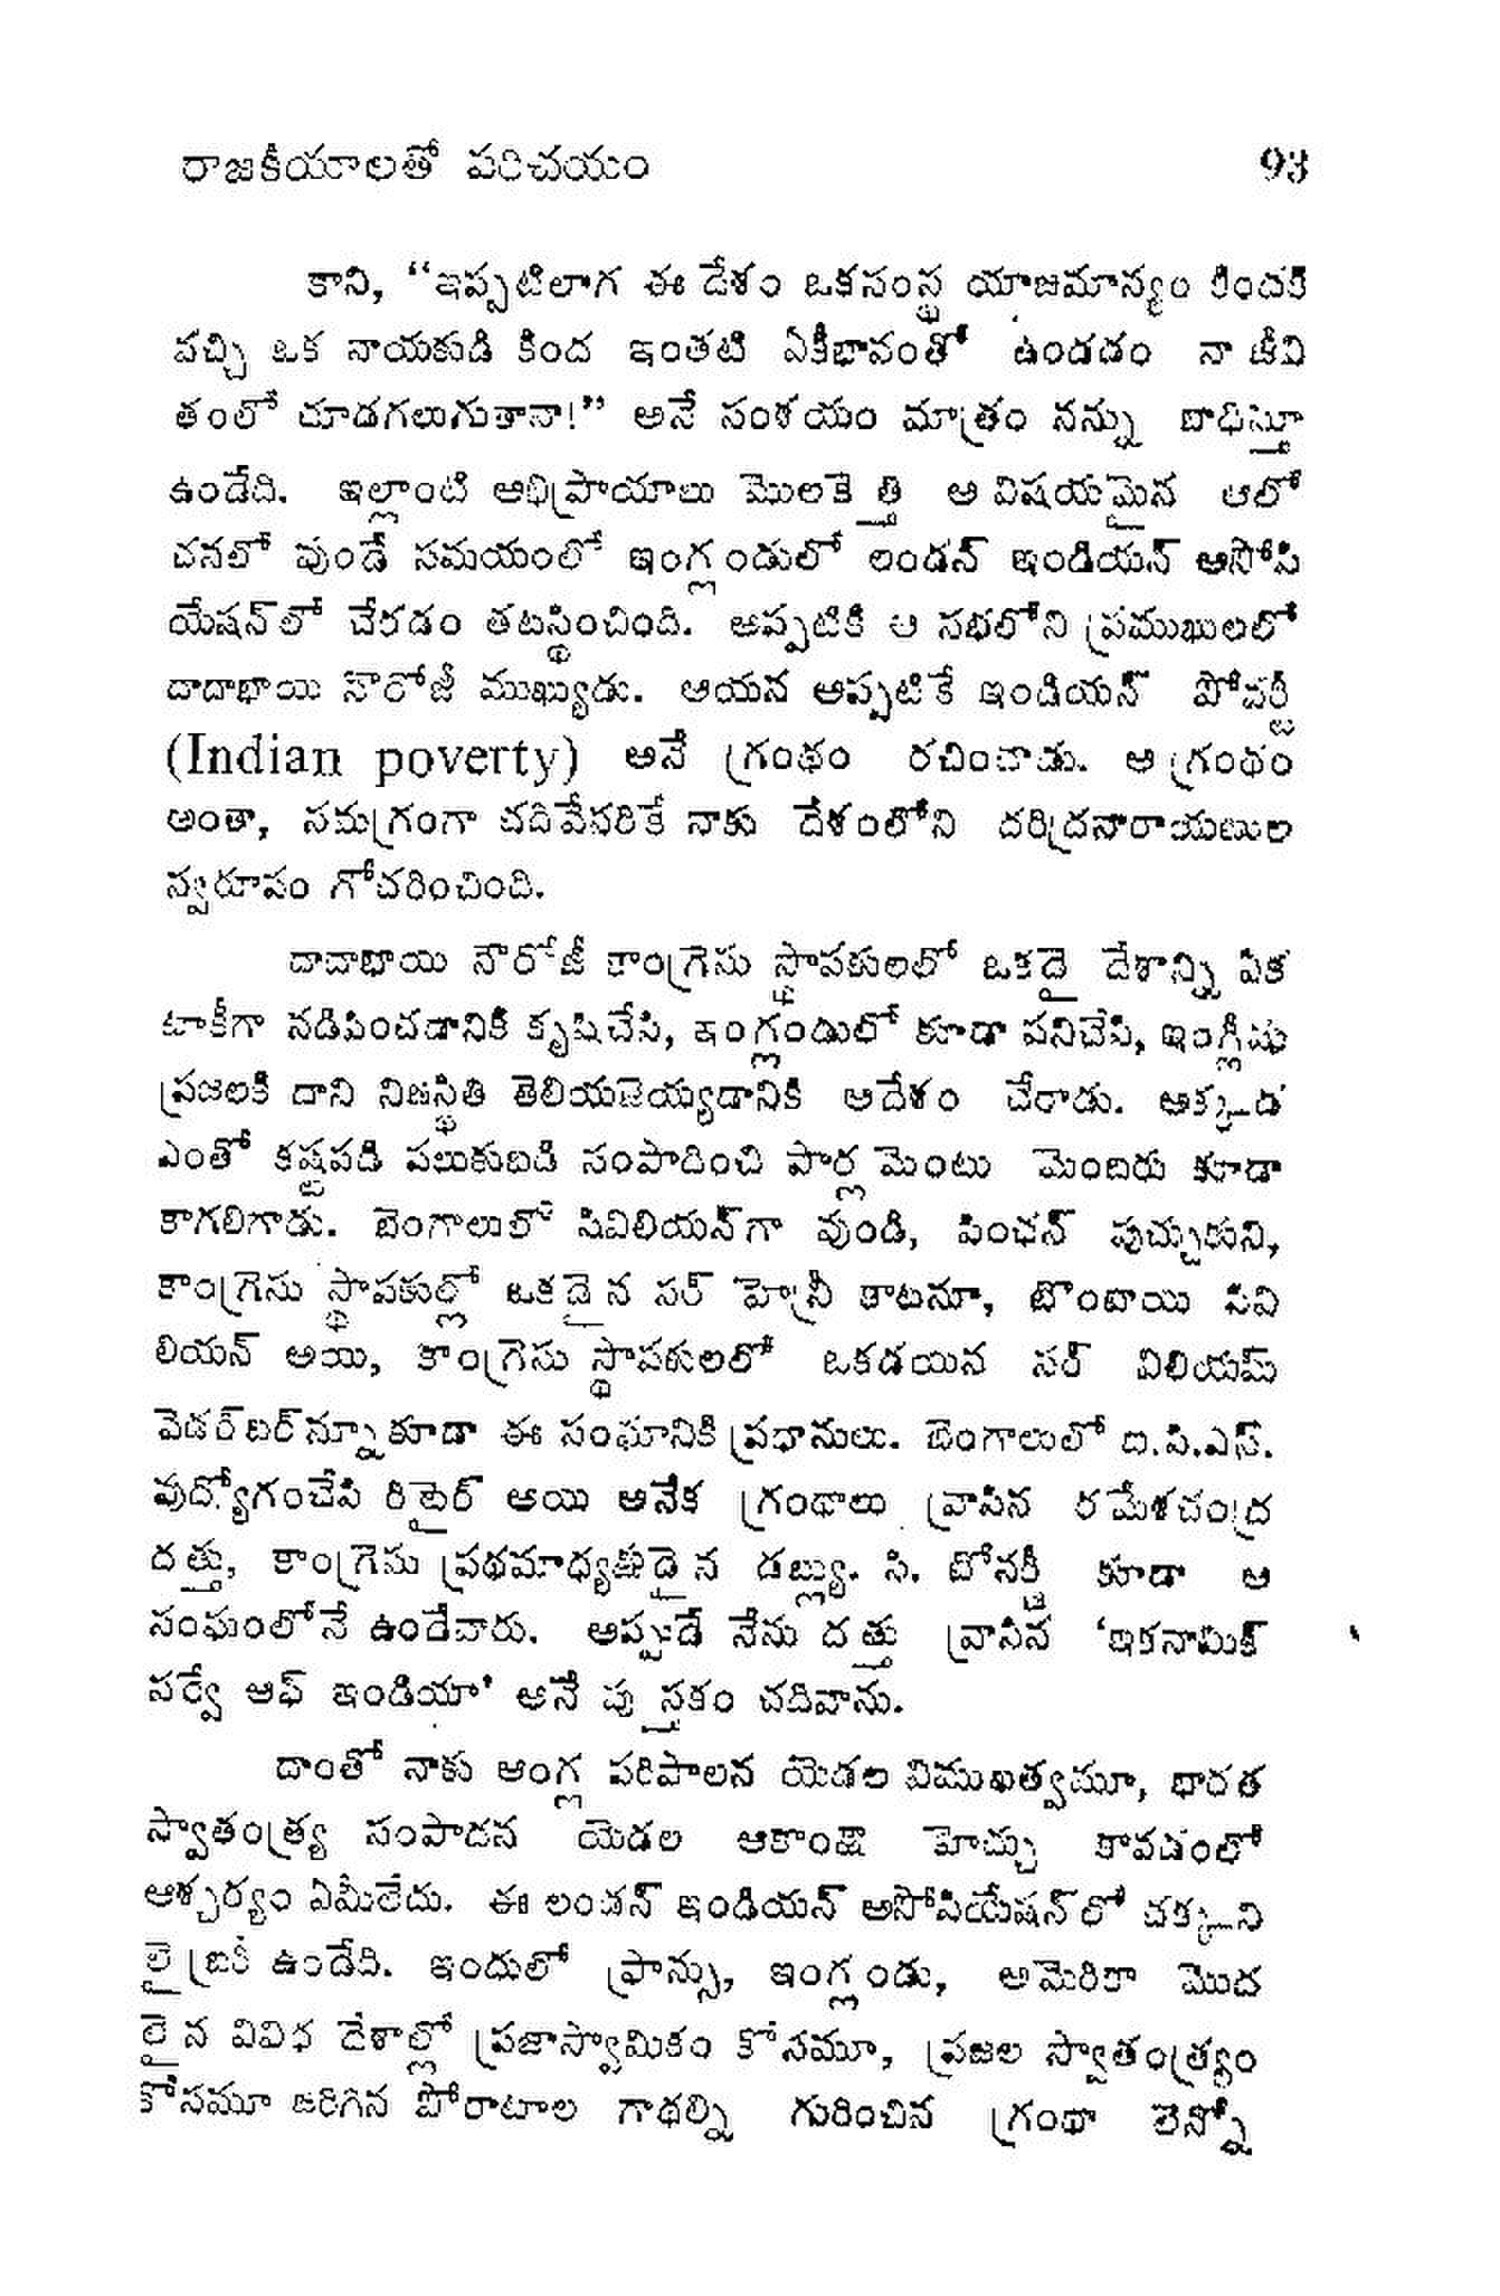కాని, "ఇప్పటిలాగ ఈ దేశం ఒకసంస్థ యాజమాన్యం కిందకి వచ్చి ఒక నాయకుడి కింద ఇంతటి ఏకీభావంతో ఉండడం నా జీవితంలో చూడగలుగుతానా!" అనే సంశయం మాత్రం నన్ను బాధిస్తూ ఉండేది. ఇల్లాంటి అభిప్రాయాలు మొలకెత్తి ఆ విషయమైన ఆలోచనలో వుండే సమయంలో ఇంగ్లండులో లండన్ ఇండియన్ అసోసియేషన్ చేరడం తటస్థించింది. అప్పటికి ఆ సభలోని ప్రముఖులలో దాదాభాయి నొరోజీ ముఖ్యుడు. ఆయన అప్పటికే ఇండియన్ పోవర్టీ (Indian poverty) అనే గ్రంథం రచించాడు. ఆ గ్రంథం అంతా, సమగ్రంగా చదివేసరికే నాకు దేశంలోని దరిద్ర నారాయణుల స్వరూపం గోచరించింది.

దాదాభాయి నొరోజీ కాంగ్రెసు స్థాపకులలో ఒకడై దేశాన్ని ఏకటాకీగా నడిపించడానికి కృషిచేసి, ఇంగ్లండులో కూడా పనిచేసి, ఇంగ్లీషు ప్రజలకి దాని నిజస్థితి తెలియ జెయ్యడానికి ఆదేశం చేరాడు. అక్కడ ఎంతో కష్టపడి పలుకుబడి సంపాదించి పార్లమెంటు మెంబరు కూడా కాగలిగాడు. బెంగాలులో సివిలియన్‌గా వుండి, పించన్ పుచ్చుకుని, కాంగ్రెసు స్థాపకుల్లో ఒకడైన సర్ హెన్రీ కాటనూ, బొంబాయి సివిలియన్ అయి, కాంగ్రెసు స్థాపకులలో ఒకడయిన సర్ విలియమ్ పెడర్‌బర్‌న్నూకూడా ఈ సంఘానికి ప్రధానులు. బెంగాలులో ఐ. పి. ఎస్. వుద్యోగంచేసి రిటైర్ అయి అనేక గ్రంథాలు వ్రాసిన రమేశచంద్రదత్తు, కాంగ్రెసు ప్రథమాధ్యక్షుడైన డబ్ల్యు. సి. బోనర్జీ కూడా ఆ సంఘంలోనే ఉండేవారు. అప్పుడే నేను దత్తు వ్రాసిన 'ఇకనామిక్ సర్వే ఆఫ్ ఇండియా' అనే పుస్తకం చదివాను.

దాంతో నాకు ఆంగ్ల పరిపాలన యెడల విముఖత్వమూ, భారత స్వాతంత్ర్య సంపాదన యెడల ఆకాంక్షా హెచ్చు కావడంలో ఆశ్చర్యం ఏమీలేదు. ఈ లండన్ ఇండియన్ అసోసియేషన్‌లో చక్కని లైబ్రరీ ఉండేది. ఇందులో ప్రాన్సు, ఇంగ్లండు, అమెరికా మొదలైన వివిధ దేశాల్లో ప్రజాస్వామికం కోసమూ, ప్రజల స్వాతంత్ర్యం కోసమూ జరిగిన పోరాటాల గాథల్ని గురించిన గ్రంథా లెన్నో